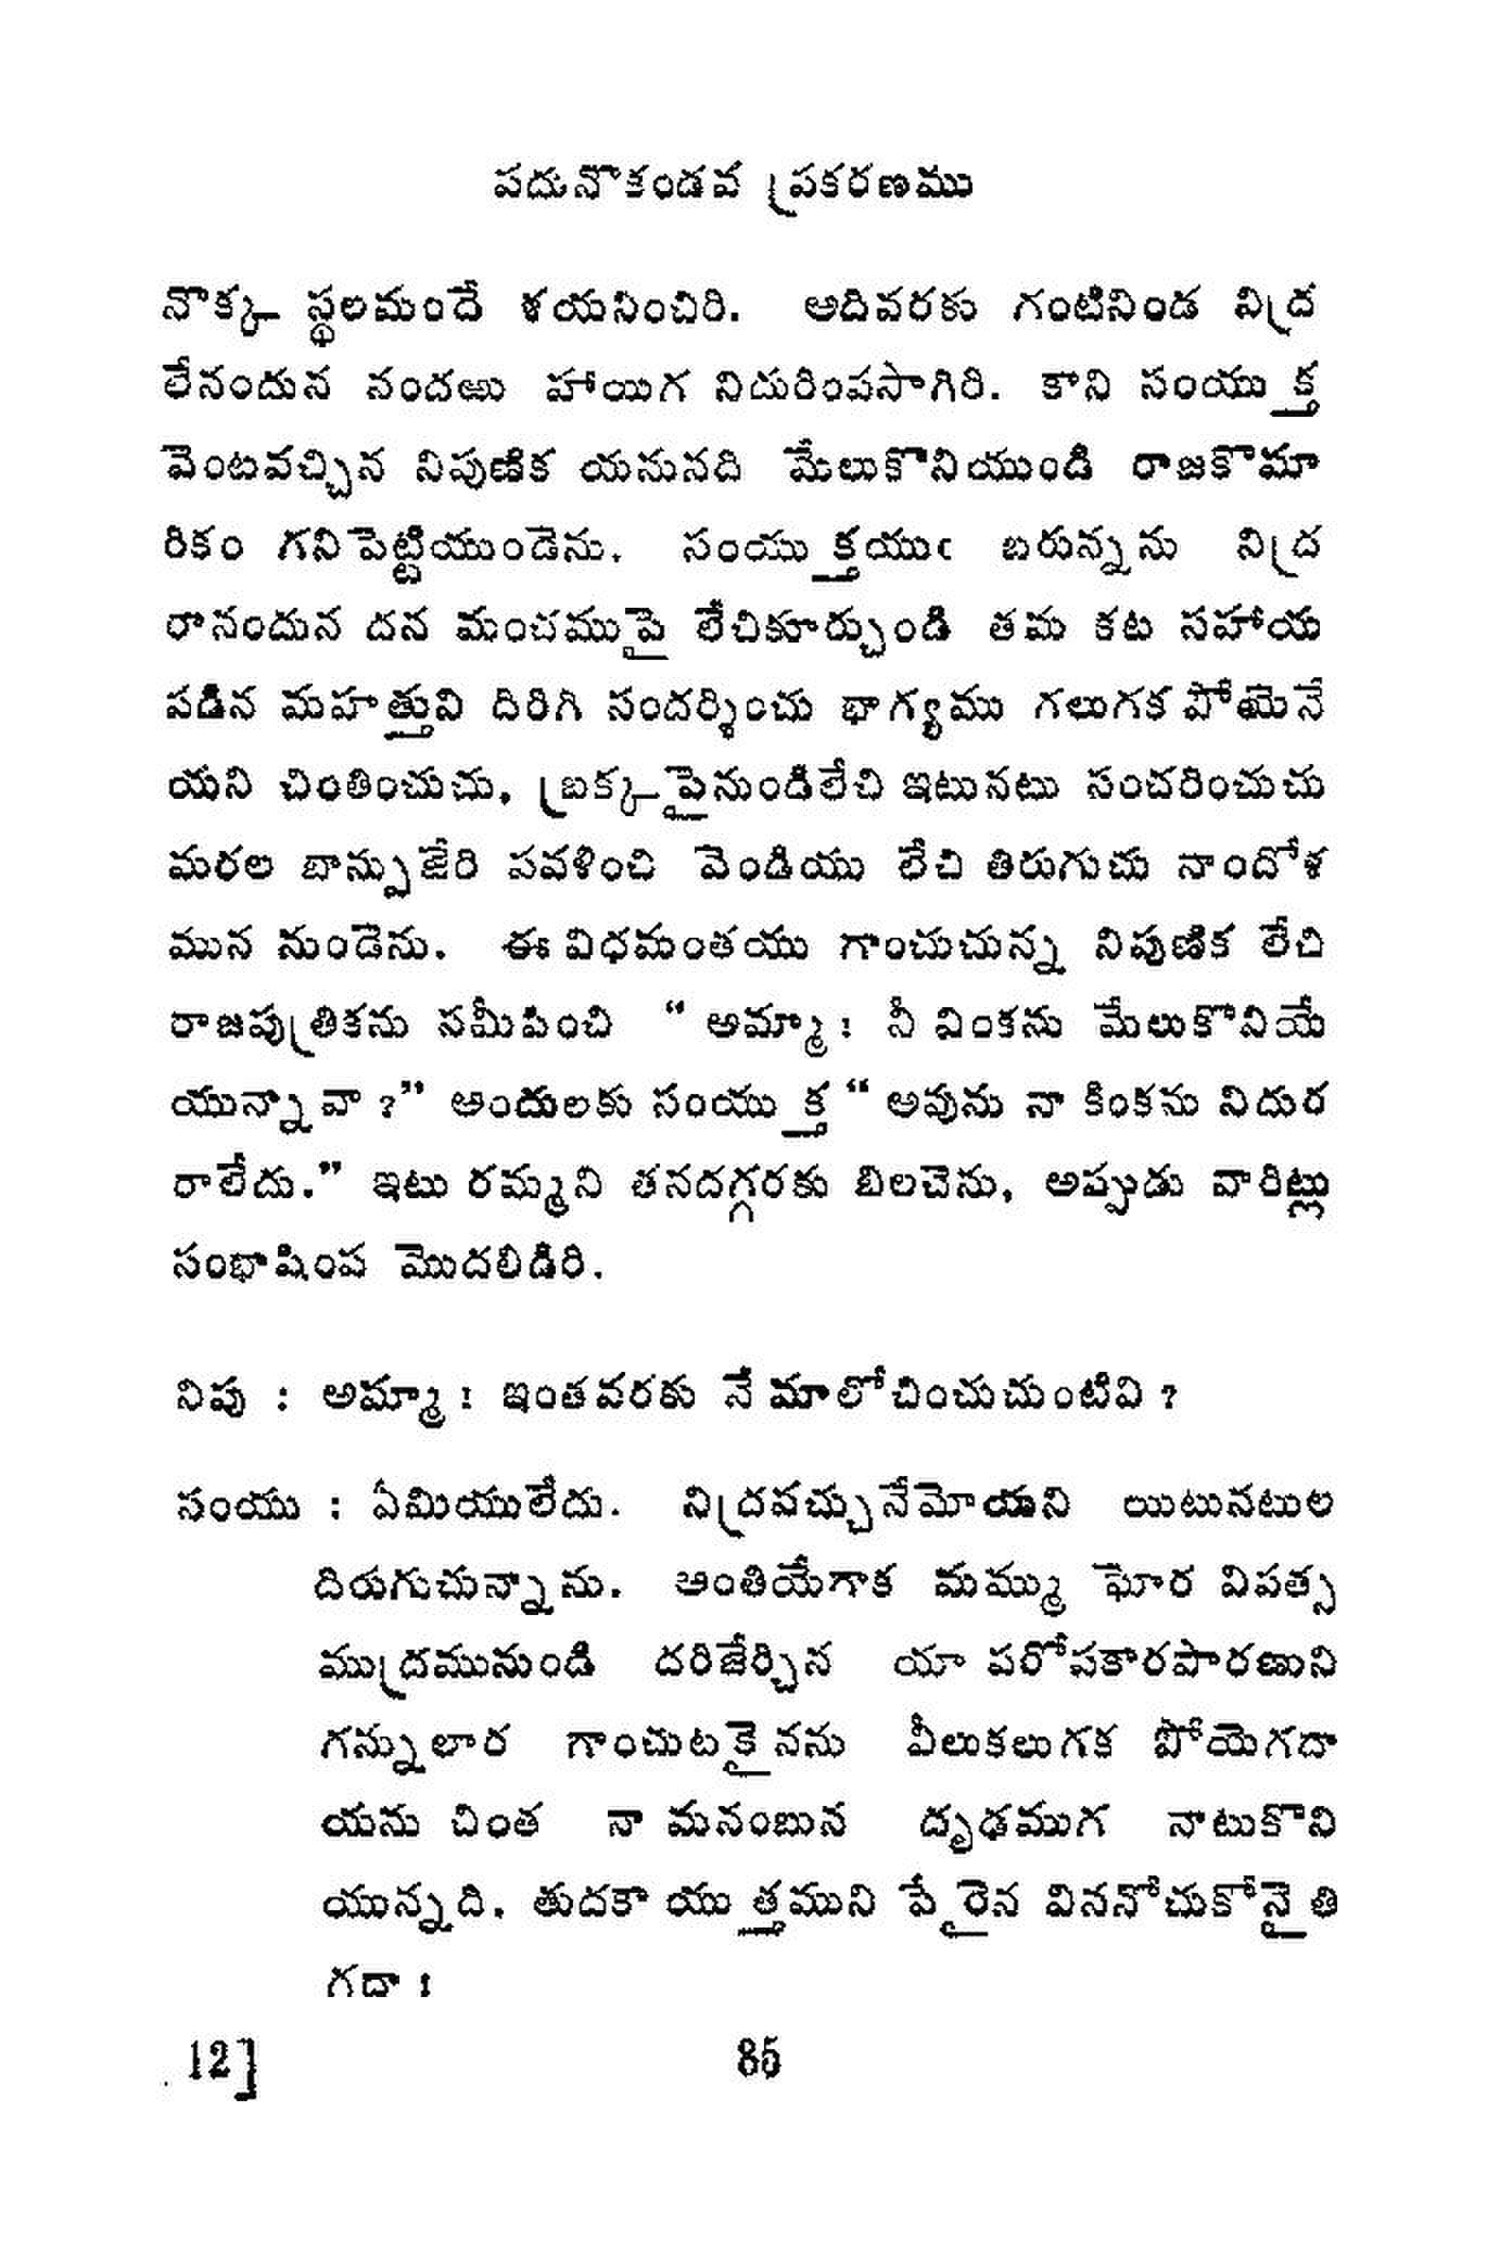నొక్క స్థలమందే శయనించిరి. అదివరకు గంటినిండ విద్రలేనందున నందఱు హాయిగ నిదురింపసాగిరి. కాని సంయుక్త వెంటవచ్చిన నిపుణిక యనునది మేలుకొనియుండి రాజకొమారికం గనిపెట్టియుండెను. సంయుక్తయుఁ బరున్నను నిద్ర రానందున దన మంచముపై లేచికూర్చుండి తమ కట సహాయపడిన మహత్ముని దిరిగి సందర్శించు భాగ్యము గలుగకపోయెనే యని చింతించుచు, బ్రక్క పైనుండిలేచి ఇటునటు సంచరించుచు మరల బాన్పుజేరి పవళించి వెండియు లేచి తిరుగుచు నాందోళమున నుండెను. ఈ విధమంతయు గాంచుచున్న నిపుణిక లేచి రాజపుత్రికను సమీపించి " అమ్మా! నీ వింకను మేలుకొనియే యున్నావా?" అందులకు సంయుక్త “అవును నా కింకను నిదుర రాలేదు." ఇటు రమ్మని తనదగ్గరకు బిలచెను, అప్పుడు వారిట్లు సంభాషింప మొదలిడిరి.

నిపు : అమ్మా ! ఇంతవరకు నే మాలోచించుచుంటివి? 

సంయు ; ఏమియులేదు. నిద్రవచ్చునేమోయని యిటునటులదిరుగుచున్నాను. అంతియేగాక మమ్ము ఘోర విపత్సముద్రమునుండి దరిజేర్చిన యా పరోపకారపారణుని గన్నులార గాంచుటకైనను వీలుకలుగక పోయెగదా యను చింత నా మనంబున దృఢముగ నాటుకొని యున్నది. తుదకా యుత్తముని పేరైన విననోచుకోనైతి గదా!